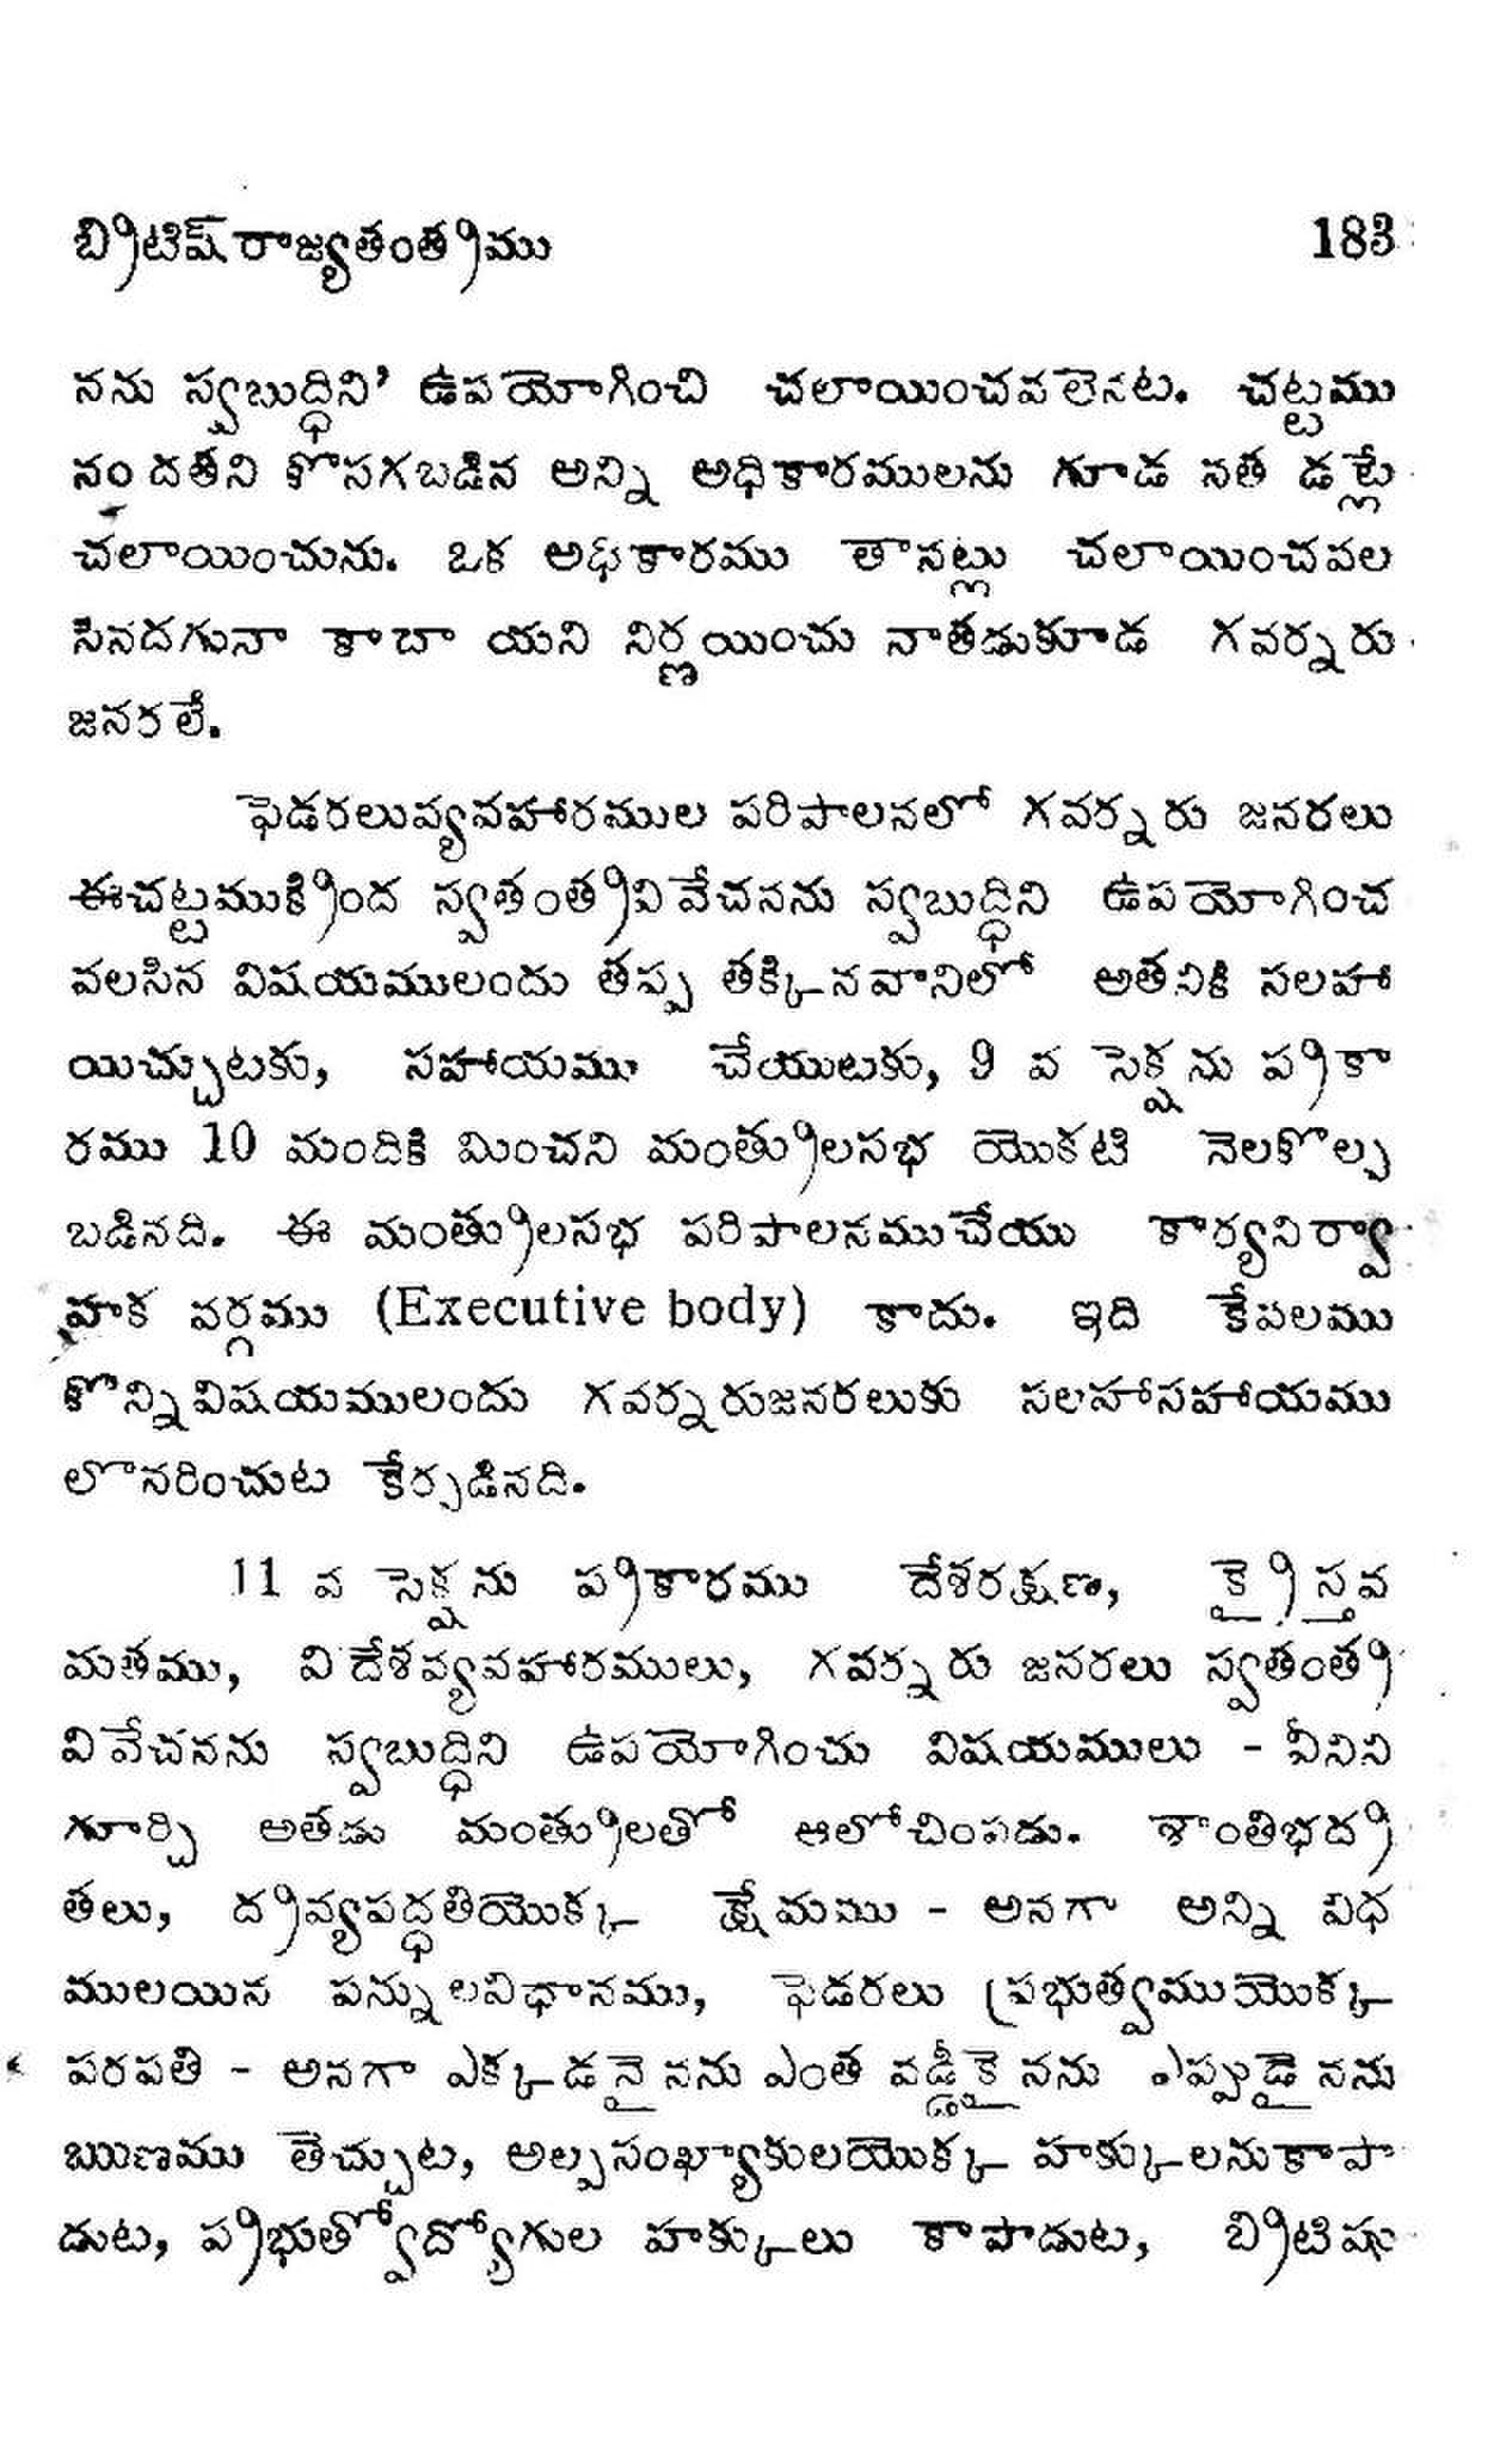నను స్వబుద్దిని' ఉపయోగించి చలాయించవలెనట. చట్టమునం దతని కొసగబడిన అన్ని అధికారములను గూడ నతడట్లే చలాయించును. ఒక అధికారము తానట్లు చలాయించవలసినదగునా కాదా యని నిర్ణయించు నాతడుకూడ గవర్నరుజనరలే.

ఫెడరలువ్యవహారముల పరిపాలనలో గవర్నరు జనరలు ఈచట్టముక్రింద స్వతంత్రవివేచనను స్వబుద్దిని ఉపయోగించ వలసిన విషయములందు తప్ప తక్కినవానిలో అతనికి సలహాయిచ్చుటకు, సహాయము చేయుటకు, 9 వ సెక్సను ప్రకారము 10 మందికి మించని మంత్రులసభ యొకటి నెలకొల్పబడినది. ఈ మంత్రులసభ పరిపాలనముచేయు కార్యనిర్వాహక వర్గము (Executive body) కాదు. ఇది కేవలము కొన్ని విషయములందు గవర్నరుజనరలుకు సలహాసహాయము లొనరించుట కేర్చడినది.

11 వ సెక్షను ప్రకారము దేశరక్షణ, క్రైస్తవమతము, విదేశవ్యవహారములు, గవర్నరు జనరలు స్వతంత్ర వివేచనను స్వబుద్దిని ఉపయోగించు విషయములు - వీనినిగూర్చి అతడు మంత్రులతో ఆలోచింపడు. శాంతిభద్రతలు, ద్రవ్యపద్ధతియొక్క క్షేమము - అనగా అన్ని విధములయిన పన్నులనిధానము, ఫెడరలు ప్రభుత్వముయొక్క పరపతి - అనగా ఎక్కడనైనను ఎంత పడ్డీకైనను ఎప్పుడైనను ఋణము తెచ్చుట, అల్పసంఖ్యాకులయొక్క హక్కులనుకాపాడుట, ప్రభుత్వోద్యోగుల హక్కులు కాపాడుట, బ్రిటిషు